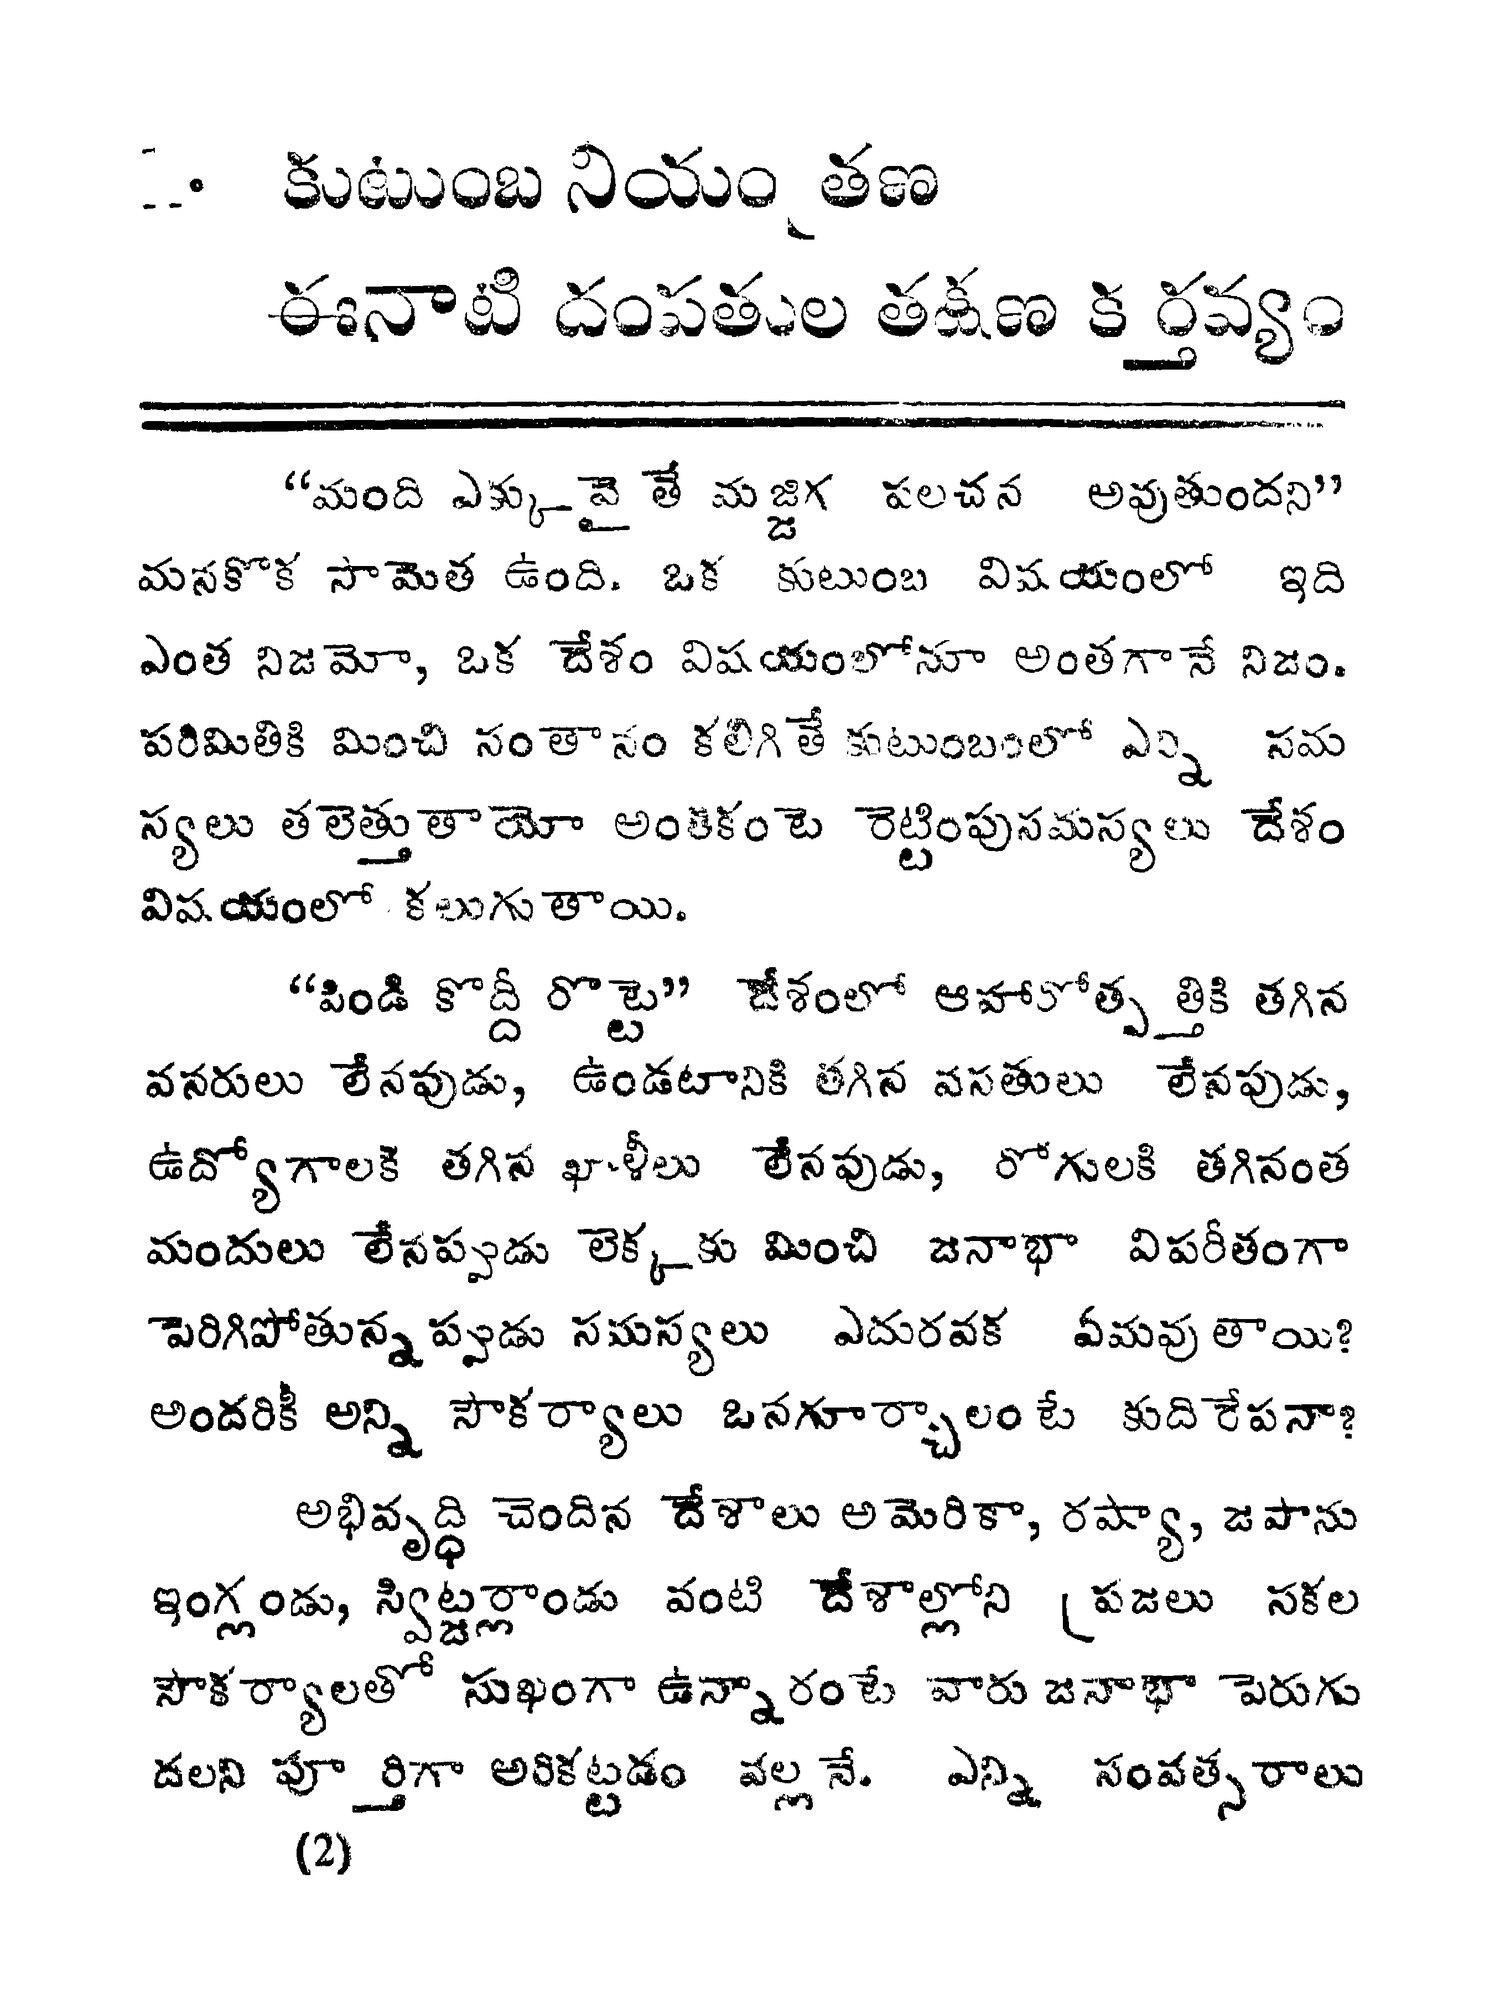"మంది ఎక్కువైతే మజ్జిగ పలచన అవుతుందని" మనకొక సామెత ఉంది. ఒక కుటుంబ విషయంలో ఇది ఎంత నిజమో, ఒక దేశం విషయంలోనూ అంతగానే నిజం. పరిమితికి మించి సంతానం కలిగితే కుటుంబంలో ఎన్ని సమస్యలు తలెత్తుతాయో అంతకంటె రెట్టింపుసమస్యలు దేశం విషయంలో కలుగుతాయి.

"పిండి కొద్దీ రొట్టె" దేశంలో ఆహారోత్పత్తికి తగిన వనరులు లేనపుడు, ఉండటానికి తగున వసతులు లేనపుడు, ఉద్యోగాలకి తగిన ఖాళీలు లేనపుడు, రోగులకి తగినంత మందులు లేనప్పుడు లెక్కకు మించి జనాభా విపరీతంగా పెరిగిపోతున్నప్పుడు సమస్యలు ఎదురవక ఏమవుతాయి ? అందరికీ అన్ని సౌకర్యాలు ఒనగూర్చాలంటే కుదిరేపనా ?

అభివృద్ధి చెందిన దేశాలు అమెరికా, రష్యా, జపాను, ఇంగ్లండు, స్విట్జర్లాండు వంటి దేశాల్లోని ప్రజలు సకలసౌకర్యాలతో సుఖంగా ఉన్నారంటే వారు జనాభా పెరుగుదలని పూర్తిగా అరికట్టడం వల్లనే. ఎన్ని సంవత్సరాలు